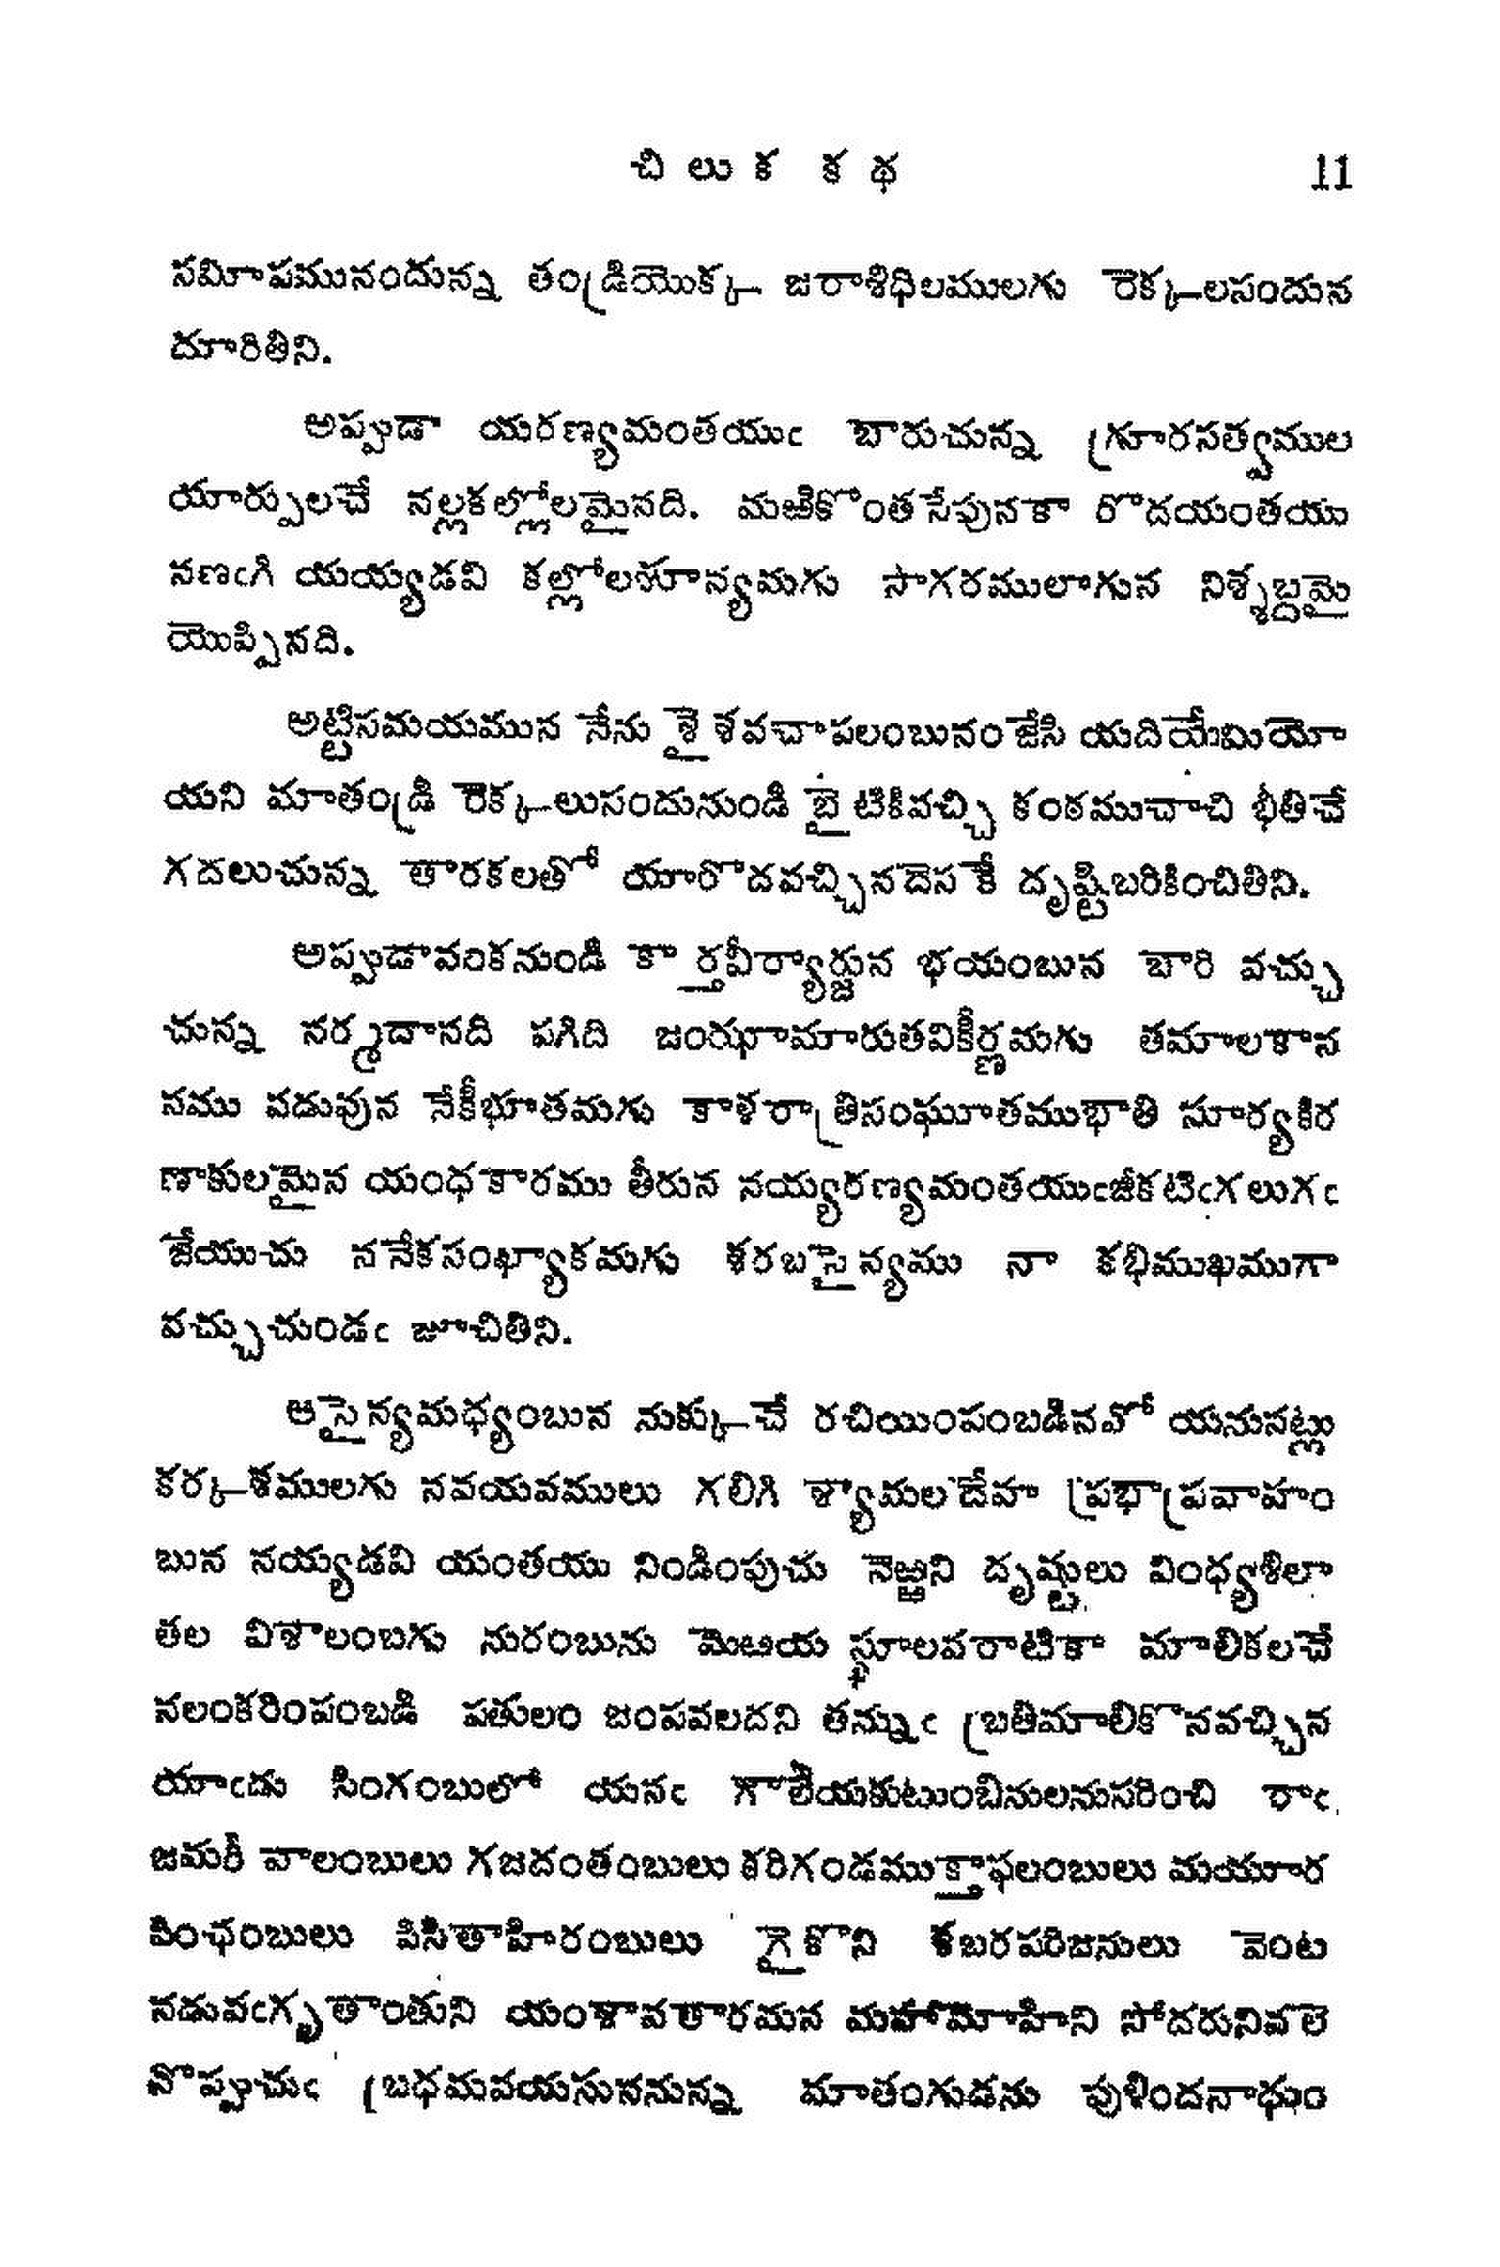సమీపమునందున్న తండ్రియొక్క జరాశిధిలములగు రెక్కలసందున దూరితిని.

అప్పుడా యరణ్యమంతయుఁ బారుచున్న గ్రూరసత్వముల యార్పులచే నల్లకల్లోలమైనది. మఱికొంతసేపునకా రొదయంతయు నణఁగి యయ్యడవి కల్లోలశూన్యమగు సాగరములాగున నిశ్చబ్దమై యొప్పినది.

అట్టిసమయమున నేను శైశవచాపలంబునం జేసి యదియేమియో యని మాతండ్రి రెక్కలసందునుండి బైటికివచ్చి కంఠముచాచి భీతిచే గదలుచున్న తారకలతో యారొదవచ్చినదెసకే దృష్టిబరికించితిని.

అప్పుడావంకనుండి కార్తవీర్యార్జున భయంబున బారి వచ్చు చున్న నర్మదానైది పగిది జంఝామారుతవికీర్ణమగు తమాలకాననము పడువున నేకీభూతమగు కాళరాత్రిసంఘూతముభాతి సూర్యకిరణాకులమైన యంధకారము తీరున నయ్యరణ్యమంతయుఁజీకటిఁగలుగఁ జేయుచు ననేకసంఖ్యాకమగు శరభసైన్యము నా కభిముఖముగా వచ్చుచుండఁ జూచితిని.

ఆ సైన్యమధ్యంబున నుక్కుచే రచియింపబడినవో యనునట్లు కర్కశములగు నవయవములు గలిగి శ్యామలదేహ ప్రభాప్రవాహంబున నయ్యడవి యంతయు నిండింపుచు నెఱ్ఱని దృష్టులు వింధ్యశిలాతల విశాలంబగు నురంబును మెఱయ స్ధూలవరాటికా మాలికలచే నలంకరింపంబడి పతులం జంపవలదని తన్నుఁ బ్రతిమాలికొనవచ్చిన యాఁడు సింగంబులో యనఁ గౌలేయకటుంబినులననుసరించి రాఁ జమరీ వాలంబులు గజదంతంబులు కరిగండముక్తాఫలంబులు మయూర పింఛంబులు పిసితాహిరంబులు గైకొని శబరపరిజనులు వెంట నడువఁగృతాంతుని యంశావతారమన మహామోహిని సోదరునివలె వొప్పుచుఁ బ్రధమవయసుననున్న మాతంగుడను పుళిందనాధుం